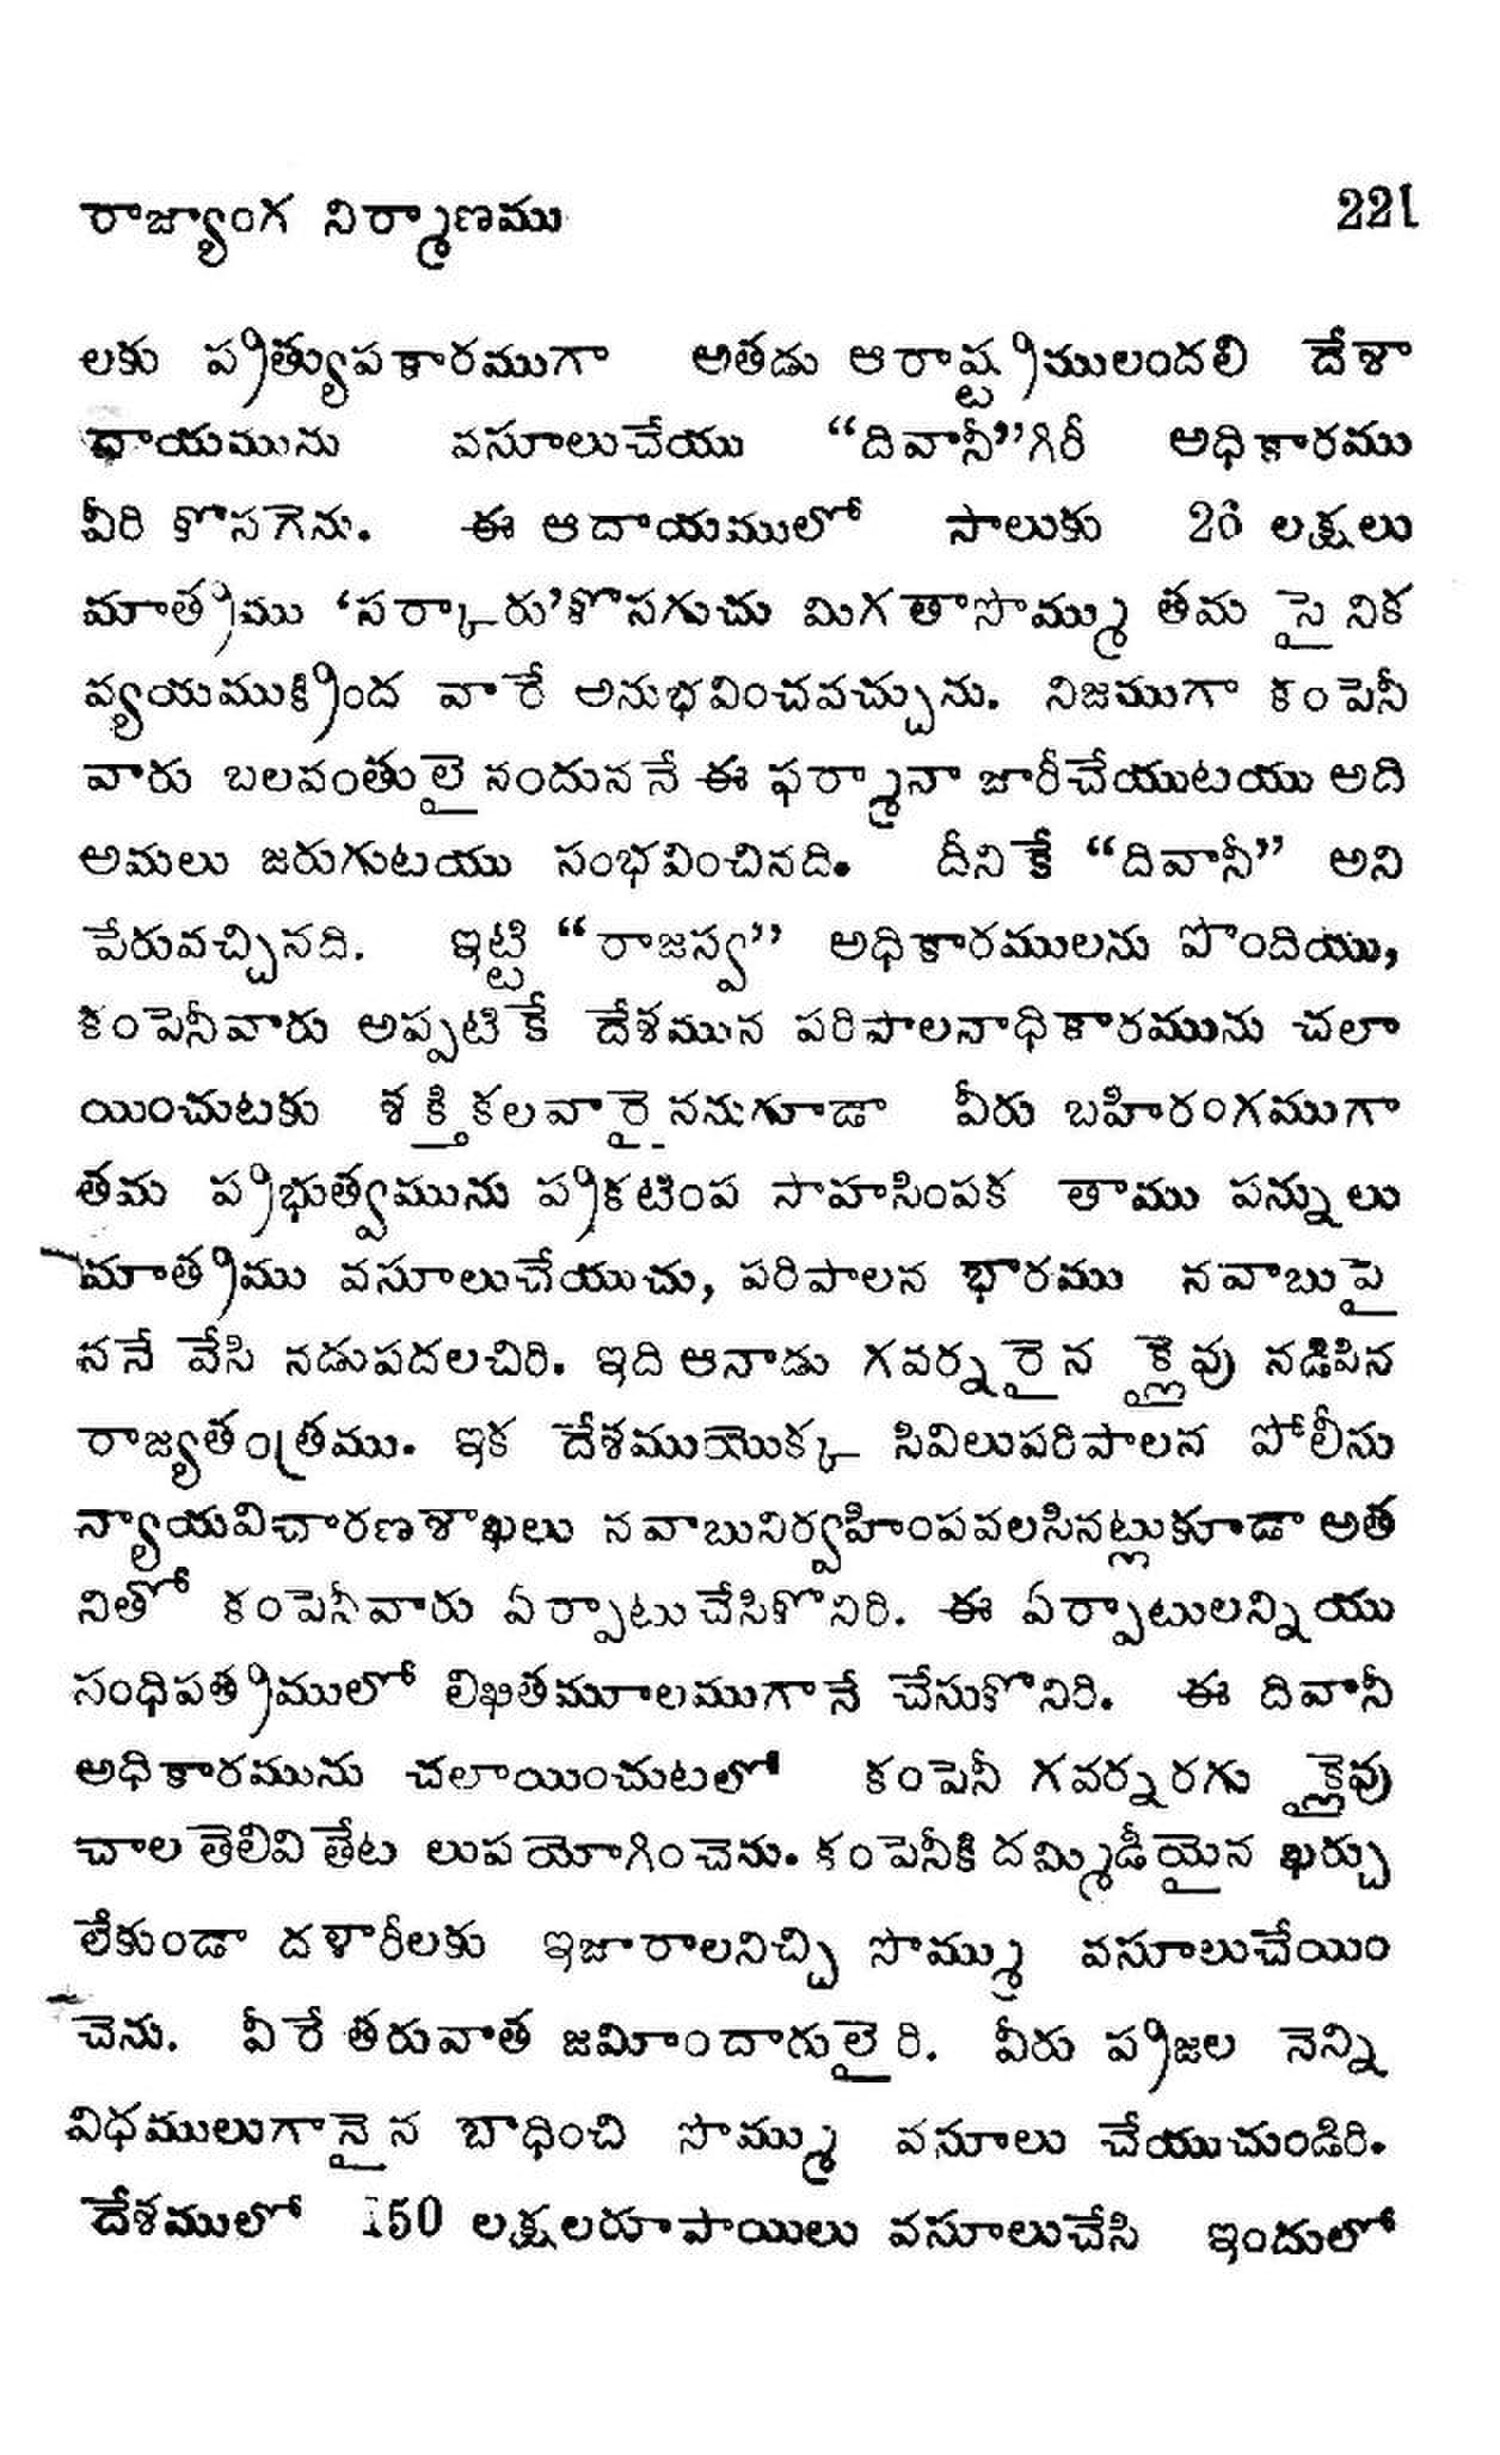లకు ప్రత్యుపకారముగా అతడు ఆ రాష్ట్రములందలి దేశాదాయమును వసూలుచేయు "దివానీ"గిరీ అధికారము వీరి కొసగెను. ఈ ఆదాయములో సాలుకు 26 లక్షలు మాత్రము 'సర్కారు' కొసగుచు మిగతాసొమ్ము తమ సైనిక వ్యయముక్రింద వారే అనుభవించవచ్చును. నిజముగా కంపెనీవారు బలవంతులైనందుననే ఈ ఫర్మానా జారీచేయుటయు అది అమలు జరుగుటయు సంభవించినది. దీనికే “దివానీ” అని పేరువచ్చినది. ఇట్టి “రాజస్య" అధికారములను పొందియు, కంపెనీవారు అప్పటికే దేశమున పరిపాలనాధికారమును చలాయించుటకు శక్తికలవారైననుగూడా వీరు బహిరంగముగా తమ ప్రభుత్వమును ప్రకటింప సాహసింపక తాము పన్నులు మాత్రము వసూలుచేయుచు, పరిపాలన భారము నవాబుపైననే వేసి నడుపదలచిరి. ఇది ఆనాడు గవర్నరైన క్లైవు నడిపిన రాజ్యతంత్రము. ఇక దేశముయొక్క సివిలుపరిపాలన పోలీసు న్యాయవిచారణ శాఖలు నవాబు నిర్వహింపవలసినట్లు కూడా అతనితో కంపెనీవారు ఏర్పాటు చేసికొనిరి. ఈ ఏర్పాటులన్నియు సంధిపత్రములో లిఖితమూలముగానే చేసుకొనిరి. ఈ దివానీ అధికారమును చలాయించుటలో కంపెనీ గవర్నరగు క్లైవు చాలతెలివితేట లుపయోగించెను. కంపెనీకి దమ్మిడీయైన ఖర్చులేకుండా దళారీలకు ఇజారాలనిచ్చి సొమ్ము వసూలుచేయించెను. వీరే తరువాత జమీందారులైరి. వీరు ప్రజల నెన్ని విధములుగానైన బాధించి సొమ్ము వసూలు చేయుచుండిరి. దేశములో 150 లక్షల రూపాయిలు వసూలుచేసి ఇందులో